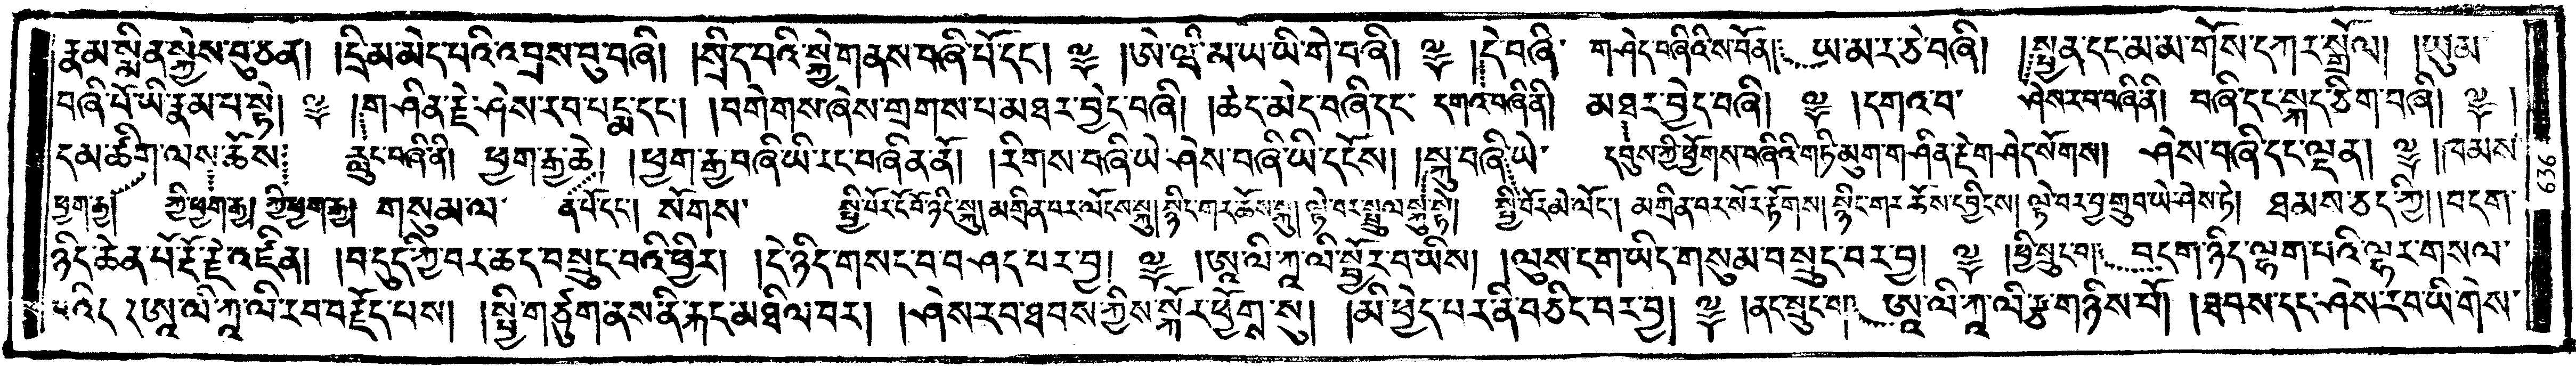རྣམ་སྨིན་སྐྱེས་བུ་ཅན། །དྲི་མ་མེད་པའི་འབྲས་བུ་བཞི། །སྲིད་པའི་སྐྱེ་གནས་བཞི་པོ་དང་། ༈ །ཨེ་ཝཾ་མ་ཡ་ཡི་གེ་བཞི། ༈ དེ་བཞི་གཤེད་བཞིའི་ས་བོན། ཡ་མར་རྩ་བཞི། །སྤྱན་དང་མ་མ་གོས་དཀར་སྒྲོལ། །ཡུམ་
བཞི་པོ་ཡི་རྣམ་པ་སྟེ། ༈ །གཤིན་རྗེ་ཤེས་རབ་པདམ་དང་། །བགེགས་ཞེས་གྲགས་པ་མཐར་བྱེད་བཞི། །ཚད་མེད་བཞི་དང་དགའ་བཞི་ནི། མཐར་བྱེད་བཞི། ༈ །དགའ་པ་ཤེས་རབ་བཞི་ནི། བཞི་དང་སྐད་ཅིག་བཞི། ༈ །
དམ་ཚིག་ལས་ཆོས་རླུང་བཞི་ནི། ཕྱག་རྒྱ་ཆེ། །ཕྱག་རྒྱ་བཞི་ཡི་རང་བཞིན་ནོ། །རིགས་བཞི་ཡེ་ཤེས་བཞི་ཡི་དངོས། །སྐུ་བཞི་ཡེ་དབུས་ཀྱི་ཕྱོགས་བཞིའི་གཏི་མུག་གཤིན་རྗེ་གཤེད་སོགས། ཤེས་བཞི་དང་ལྡན། ༈ །ཁམས་
ཕྱག་རྒྱ། ཀྱི་ཕྱག་རྒྱ། ཀྱི་ཕྱག་རྒྱ། གསུམ་ལ་ན་ཕོ་དང་། སོགས་སྤྱི་བོར་ངོ་བོ་ཉིད་སྐུ། མགྲིན་བར་ལོངས་སྐུ། སྙིང་གར་ཆོས་སྐུ། ལྟེ་བར་སྤྲུལ་སྐུ་སྟེ། སྤྱི་བོར་མེ་ལོང་། མགྲིན་བར་སོང་རྟོགས། སྙིང་གར་ཆོས་དབྱིངས། ལྟེ་བར་བྱ་གྲུབ་ཡེ་ཤེས་ཏེ། ཐམས་ཅད་ཀྱི། །བདག་
ཉིད་ཆེན་པོ་རྡོ་རྗེ་འཛིན། །བདུད་ཀྱི་བར་ཆད་བསྲུང་བའི་ཕྱིར། །དེ་ཉིད་གསང་བ་བཤད་པར་བྱ། ༈ །ཨཱ་ལི་ཀཱ་ལི་སྦྱོར་བ་ཡིས། །ལུས་ངག་ཡིད་གསུམ་བསྲུང་བར་བྱ། ༈ །ཕྱི་སྲུང་བ། བདག་ཉིད་ལག་པའི་ལྷར་གསལ་
བའི༑ ༑ཨཱ་ལི་ཀཱ་ལི་རབ་བརྗོད་པས། །སྤྱི་གཙུག་ནས་ནི་རྐང་མཐིལ་བར། །ཤེས་རབ་ཐབས་ཀྱིས་སྐོར་ཕྱོགས་སུ། །མི་ཕྱེད་པར་ནི་བཅིང་བར་བྱ། ༈ །ནང་སྲུང་བ། ཨཱ་ལི་ཀཱ་ལི་རྩ་གཉིས་པོ། །ཐབས་དང་ཤེས་རབ་ཡེ་གེས་